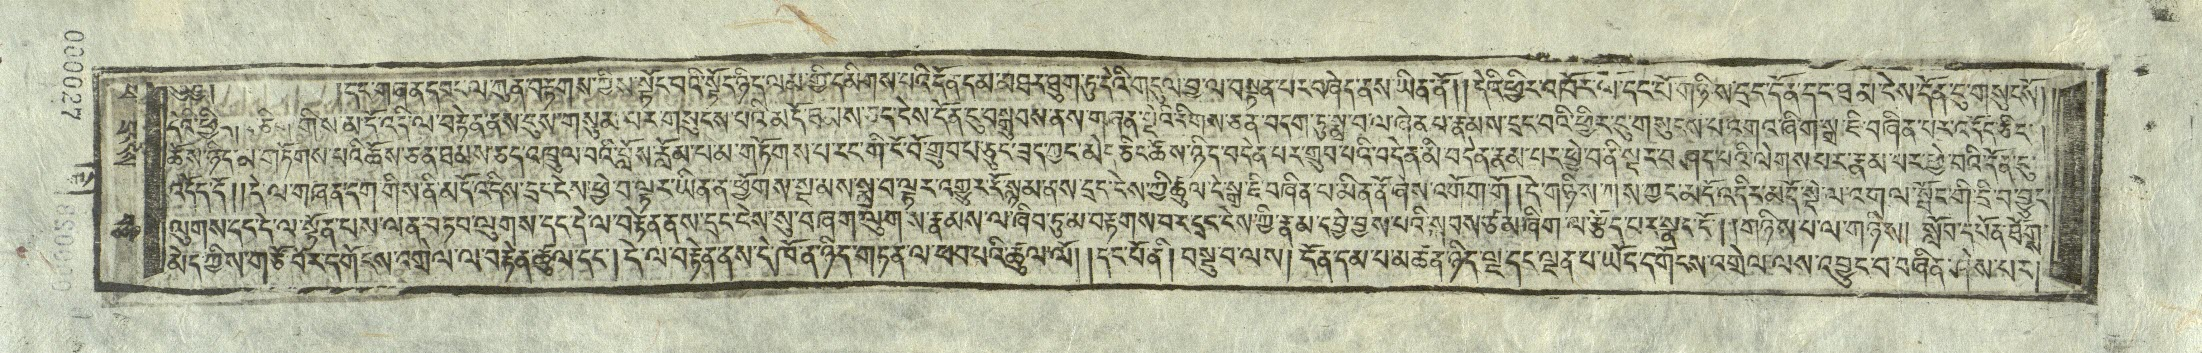༄༅། །དང་གཞན་དབང་ལ་ཀུན་བརྟགས་ཀྱིས་སྟོང་པའི་སྟོང་ཉིད་ལམ་གྱི་དམིགས་པའི་དོན་དམ་མཐར་ཐུག་ཏུ་དེའི་གདུལ་བྱ་ལ་བསྟན་པར་བཞེད་ནས་ཡིན་ནོ། །དེའི་ཕྱིར་འཁོར་ལོ་དང་པོ་གཉིས་དྲང་དོན་དང་ཐ་མ་ངེས་དོན་དུ་གསུངས་སོ། །
དེའི་ཕྱིར་ཁ་ཅིག་གིས་མདོ་འདི་ལ་བརྟེན་ནས་དུས་གསུམ་པར་གསུངས་པའི་མདོ་ཐམས་ཅད་ངེས་དོན་དུ་བསྒྲུབས་ནས་གཞན་སྡེའི་རིགས་ཅན་བདག་ཏུ་སྨྲ་བ་ལ་ཞེན་པ་རྣམས་དྲང་བའི་ཕྱིར་དུ་གསུངས་པ་འགའ་ཞིག་སྒྲ་ཇི་བཞིན་པར་འདོད་ཅིང་།
ཆོས་ཉིད་མ་གཏོགས་པའི་ཆོས་ཅན་ཐམས་ཅད་འཁྲུལ་པའི་བློས་རློམ་པ་མ་གཏོགས་པ་རང་གི་ངོ་བོ་གྲུབ་པ་ཅུང་ཟད་ཀྱང་མེད་ཅིང་ཆོས་ཉིད་བདེན་པར་གྲུབ་པའི་བདེན་མི་བདེན་རྣམ་པར་ཕྱེ་བ་ནི་སྔར་བཤད་པའི་ལེགས་པར་རྣམ་པར་ཕྱེ་བའི་དོན་དུ་
འདོད་དོ། །དེ་ལ་གཞན་དག་གིས་ནི་མདོ་འདིས་དྲང་ངེས་ཕྱེ་བ་ལྟར་ཡིན་ན་ཕྱོགས་སྔ་མས་སྨྲ་བ་ལྟར་འགྱུར་རོ་སྙམ་ནས་དྲང་ངེས་ཀྱི་ཚུལ་དེ་སྒྲ་ཇི་བཞིན་པ་མིན་ནོ་ཞེས་འགོག་གོ །དེ་གཉིས་ཀས་ཀྱང་མདོ་འདིར་མདོ་སྡེ་ལ་འགལ་སྤོང་གི་དྲི་བ་བྱུང་
ལུགས་དང་དེ་ལ་སྟོན་པས་ལན་བཏབ་ལུགས་དང་དེ་ལ་བརྟེན་ནས་དྲང་ངེས་སུ་ཞག་ལུགས་རྣམས་ལ་ཞིབ་ཏུ་མ་བརྟགས་པར་དྲང་ངེས་ཀྱི་རྣམ་དབྱེ་བྱས་པའི་སྐབས་ཙམ་ཞིག་ལ་རྩོད་པར་སྣང་ངོ། །གཉིས་པ་ལ་གཉིས། སློབ་དཔོན་ཐོགས་
མེད་ཀྱིས་གཙོ་བོར་དགོངས་འགྲེལ་ལ་བརྟེན་ཚུལ་དང་། དེ་ལ་བརྟེན་ནས་དེ་ཁོ་ན་ཉིད་གཏན་ལ་ཕབ་པའི་ཚུལ་ལོ། །དང་པོ་ནི། བསྡུ་བ་ལས། དོན་དམ་པ་མཚན་ཉིད་ལྔ་དང་ལྡན་པ་ཡང་དགོངས་འགྲེལ་ལས་འབྱུང་བ་བཞིན་ཤེས་པར།